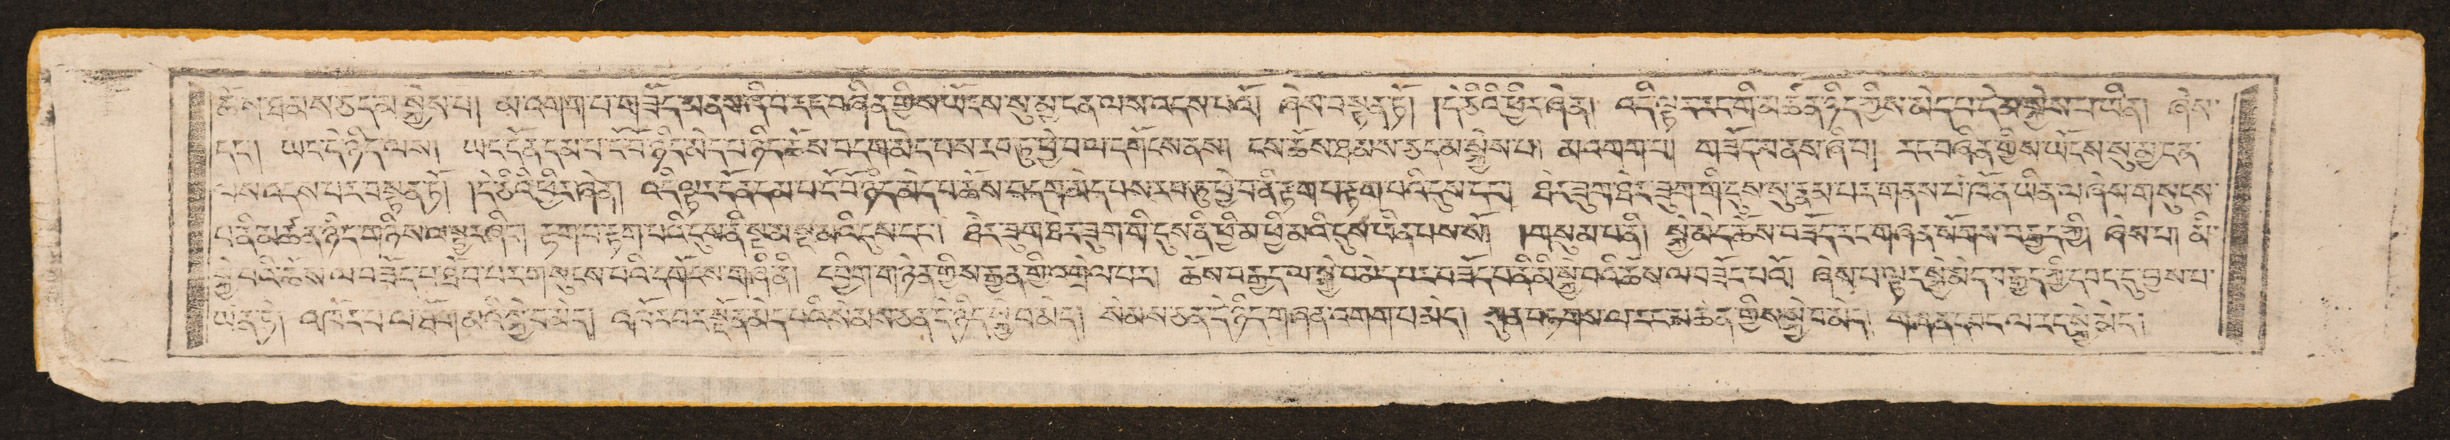ཆོས་ཐམས་ཅད་མ་སྐྱེས་པ། མ་འགག་པ་གཟོད་མ་ནས་ཞི་བ་རང་བཞིན་གྱིས་ཡོངས་སུ་མྱ་ངན་ལས་འདས་པའོ། ཞེས་བསྟན་ཏོ། །དེ་ཅིའི་ཕྱིར་ཞེ་ན། འདི་ལྟར་རང་གི་མཚན་ཉིད་ཀྱིས་མེད་པ་དེ་མ་སྐྱེས་པ་ཡིན། ཞེས་
དང་། ཡང་དེ་ཉིད་ལས། ཡང་དོན་དམ་པ་ངོ་བོ་ཉིད་མེད་པ་ཉིད་ཆོས་བདག་མེད་པས་རབ་ཏུ་ཕྱེ་བ་ལ་དགོངས་ནས། ངས་ཆོས་ཐམས་ཅད་མ་སྐྱེས་པ། མ་འགག་པ། གཟོད་མ་ནས་ཞི་པ། རང་བཞིན་གྱིས་ཡོངས་སུ་མྱ་ངན་
ལས་འདས་པར་བསྟན་ཏོ། །དེ་ཅིའི་ཕྱིར་ཞེ་ན། འདི་ལྟར་དོན་དམ་པ་ངོ་བོ་ཉིད་མེད་པ་ཆོས་བདག་མེད་པས་རབ་ཏུ་ཕྱེ་བ་ནི་རྟག་པ་རྟག་པའི་དུས་དང་། ཐེར་ཟུག་ཐེར་ཟུག་གི་དུས་སུ་རྣམ་པར་གནས་པ་ཁོ་ན་ཡིན་ལ་ཞེས་གསུངས་
པ་ནི་མཚན་ཉིད་གཉིས་ལ་སྦྱར་ཞིང་། རྟག་པ་རྟག་པའི་དུས་ནི་སྔ་མ་སྔ་མའི་དུས་དང་། ཐེར་ཟུག་ཐེར་ཟུག་གི་དུས་ནི་ཕྱི་མ་ཕྱི་མའི་དུས་ཡིན་པས་སོ། །གསུམ་པ་ནི། སྐྱེ་མེད་ཆོས་བཟོད་རང་གཞན་སོགས་བརྒྱད་ཀྱི། ཞེས་པ། མི་
སྐྱེ་བའི་ཆོས་ལ་བཟོད་པ་ཐོབ་པར་གསུངས་པའི་དགོངས་གཞི་ནི། དབྱིག་གཉེན་གྱིས་རྒྱན་གྱི་འགྲེལ་བར། ཆོས་བརྒྱད་ལ་སྐྱེ་བ་མེད་པར་བཟོད་པ་ནི་མི་སྐྱེ་བའི་ཆོས་ལ་བཟོད་པའོ། ཞེས་པ་ལྟར་སྐྱེ་མེད་བརྒྱད་ཀྱི་དབང་དུ་བྱས་པ་
ཡིན་ཏེ། འཁོར་བ་ལ་ཐོག་མའི་སྐྱེ་བ་མེད། འཁོར་བར་སྔོན་མེད་པའི་སེམས་ཅན་དེ་ཉིད་སྐྱེ་བ་མེད། སེམས་ཅན་དེ་ཉིད་གཞན་འགག་པ་མེད། ཀུན་བཏགས་ལ་རང་མཚན་གྱིས་སྐྱེ་བ་མེད། གཞན་དབང་ལ་རང་སྐྱེ་མེད།